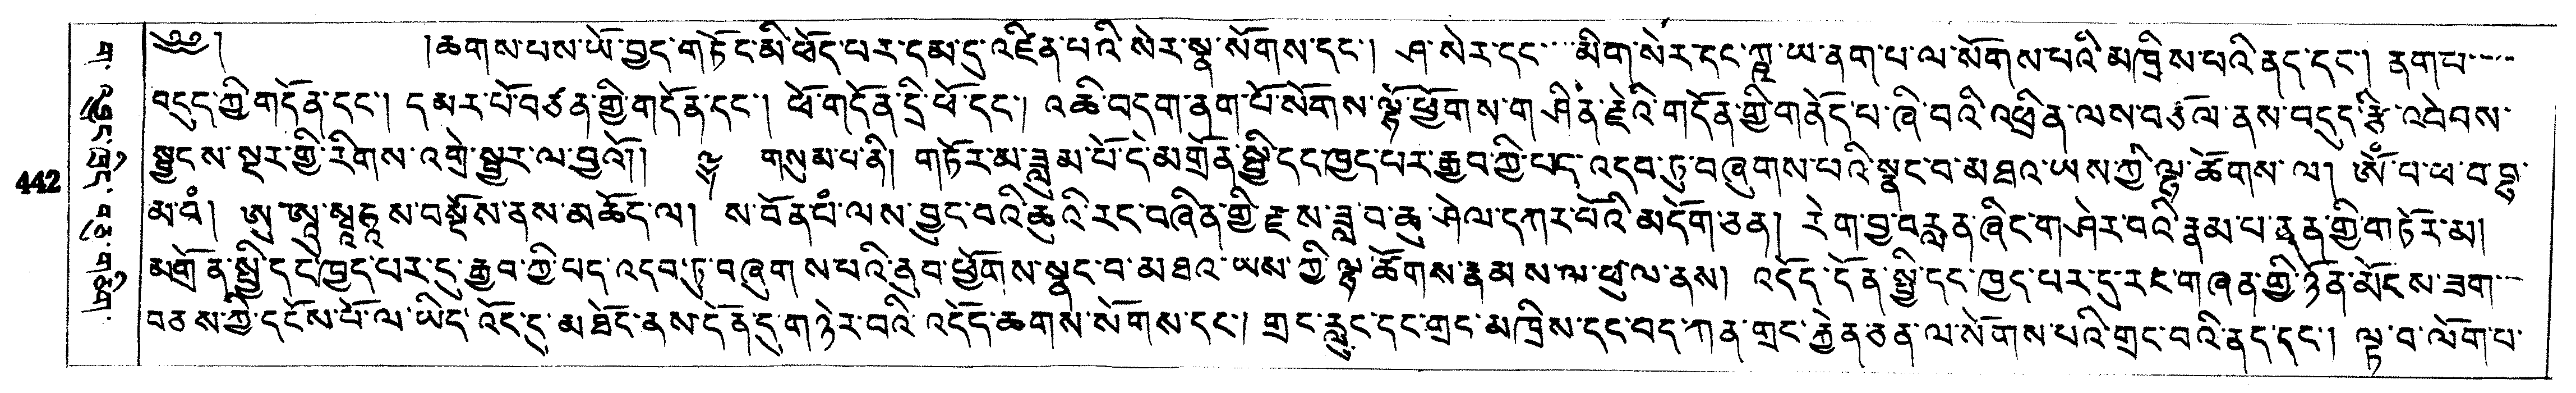༄༅། །ཆགས་པས་ཡོ་བྱད་གཏོང་མི་ཕོད་པར་དམ་དུ་འཛིན་པའི་སེར་སྣ་སོགས་དང་། ཤ་སེར་དང་མིག་སེར་དང་ཀྵ་ཡ་ནག་པ་ལ་སོགས་པའི་མཁྲིས་པའི་ནད་དང་། ནག་པ་
བདུད་ཀྱི་གདོན་དང་། དམར་པོ་བཙན་གྱི་གདོན་དང་། ཕོ་གདོན་དྲི་ཕོ་དང་། འཆི་བདག་ནག་པོ་སོགས་ལྷོ་ཕྱོགས་གཤིན་རྗེའི་གདོན་གྱི་གནོད་པ་ཞི་བའི་འཕྲིན་ལས་བཅོལ་ནས་བདུད་རྩི་འབེབས་
སྦྱངས་སྔར་གྱི་རིགས་འགྲེ་སྦྱར་ལ་བྱའོ།། ༈ གསུམ་པ་ནི། གཏོར་མ་ཟླུམ་པོ་དེ་མགྲོན་སྤྱི་དང་ཁྱད་པར་རྒྱབ་ཀྱི་པད་འདབ་ཏུ་བཞུགས་པའི་སྣང་བ་མཐའ་ཡས་ཀྱི་ལྷ་ཚོགས་ལ། ཨོཾ་པ་ཕ་བ་བྷ་
མ་བཾ། ཨུ་ཨཱུ་སྭཱཧཱ་ས་བསྔོས་ནས་མཆོད་ལ། ས་བོན་པཾ་ལས་བྱུང་བའི་ཆུའི་རང་བཞིན་གྱི་རྫས་ཟླ་བ་ཆུ་ཤེལ་དཀར་པོའི་མདོག་ཅན། རེག་བྱ་བརླན་ཞིང་གཤེར་བའི་རྣམ་པ་ནན་གྱི་གཏོར་མ།
མགྲོན་སྤྱི་དང་ཁྱད་པར་དུ་རྒྱབ་ཀྱི་པད་འདབ་ཏུ་བཞུགས་པའི་ནུབ་ཕྱོགས་སྣང་བ་མཐའ་ཡས་ཀྱི་ལྷ་ཚོགས་རྣམས་ལ་ཕུལ་ནས། འདོད་དོན་སྤྱི་དང་ཁྱད་པར་དུ་རང་གཞན་གྱི་ཉོན་མོངས་ཟག་
བཅས་ཀྱི་དངོས་པོ་ལ་ཡིད་འོང་དུ་མཐོང་ནས་དོན་དུ་གཉེར་བའི་འདོད་ཆགས་སོགས་དང་། གྲང་རླུང་དང་གྲང་མཁྲིས་དང་བད་ཀན་གྲང་རྐྱེན་ཅན་ལ་སོགས་པའི་གྲང་བའི་ནད་དང་། ལྟ་བ་ལོག་པ་